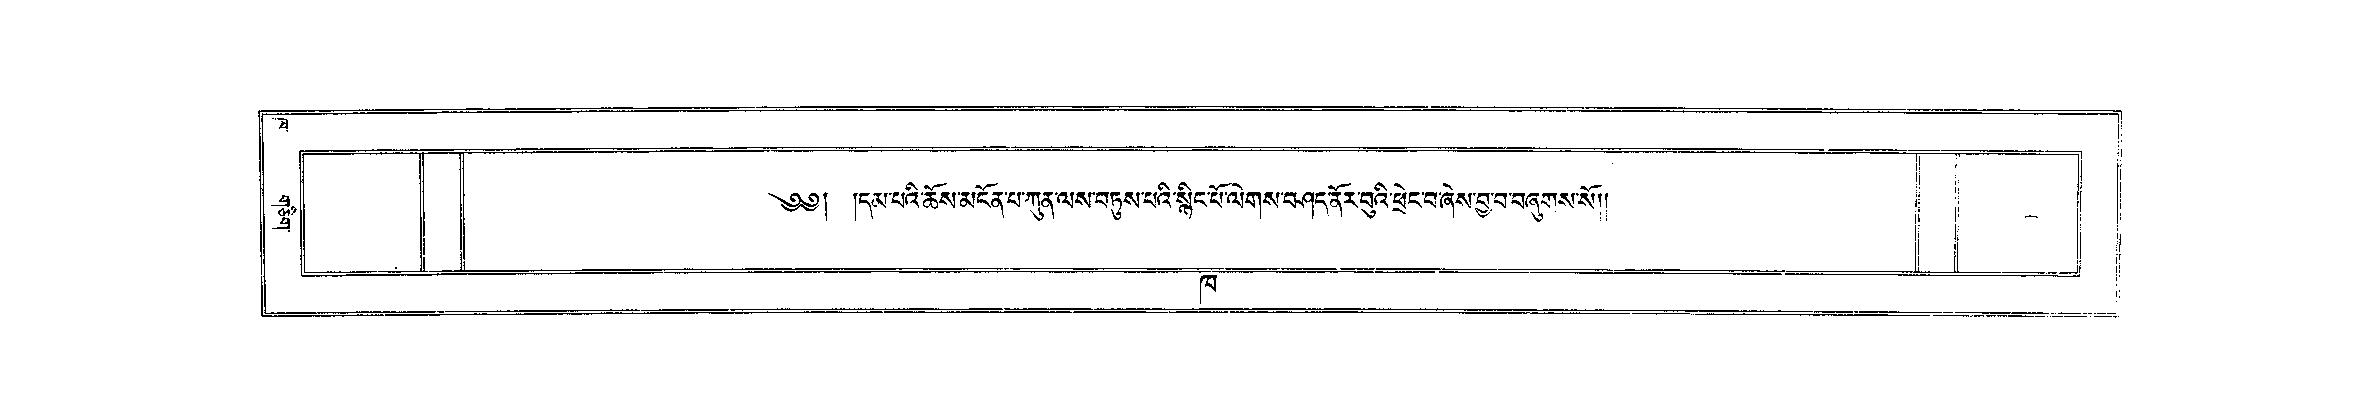༄༅། །དམ་པའི་ཆོས་མངོན་པ་ཀུན་ལས་བཏུས་པའི་སྙིང་པོ་ལེགས་བཤད་ནོར་བུའི་ཕྲེང་བ་ཞེས་བྱ་བ་བཞུགས་སོ།།
ཁ་